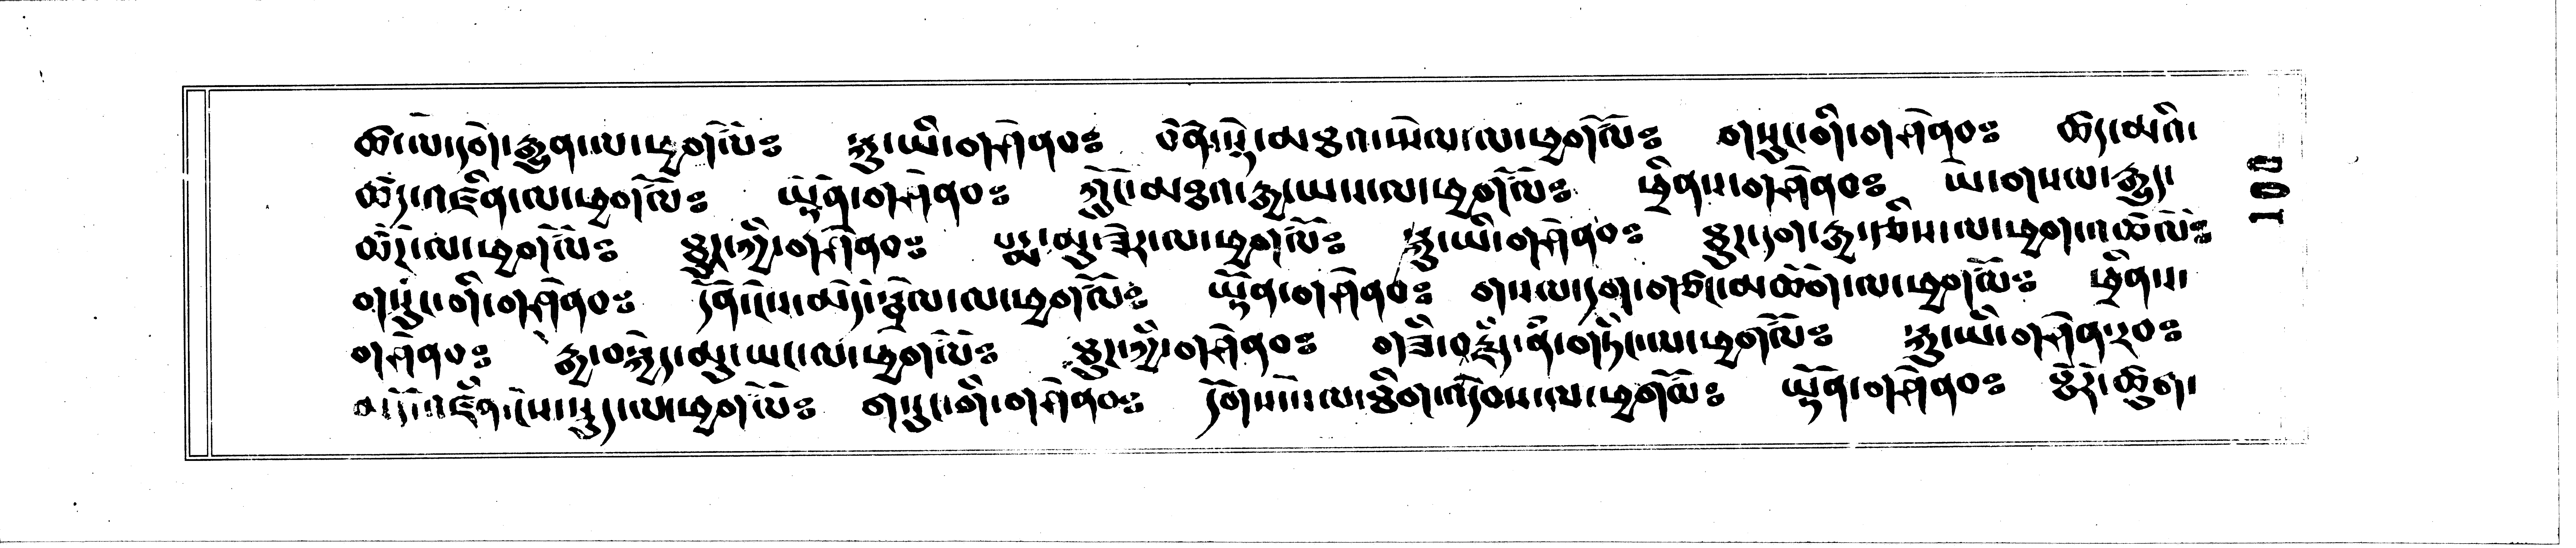ཚ་ལ་དགེ་རྒྱུན་ལ་ཕྱག་འཚལ་ལོཿ སྐུ་ཡི་གཤེན་རབཿ བོན་སྡེ་མཐའ་སྤེལ་ལ་ཕྱག་འཚལ་ལོཿ གསུང་གི་གཤེན་རབ་ལཿ ཚད་མའི་
ཚད་འཛིན་ལ་ཕྱག་འཚལ་ལོཿ ཡོན་ཏན་གྱི་གཤེན་རབཿ ཀློང་མཐའ་རྒྱ་ཡས་ལ་ཕྱག་འཚལ་ལོཿ ཕྲིན་ལས་ཀྱི་གཤེན་རབཿ ཡེ་གསལ་རྒྱུད་
ཚོགས་ལ་ཕྱག་འཚལ་ལོཿ ཐུགས་ཀྱི་གཤེན་རབཿ པད་མ་མུ་ཟེར་ལ་ཕྱག་འཚལ་ལོཿ སྐུ་ཡི་གཤེན་རབཿ ཐུགས་དག་རྒྱ་རྩིས་ལ་ཕྱག་འཚལ་ལོཿ
གསུང་གི་གཤེན་རབཿ དོན་ངེས་མདོ་སྦྲེལ་ལ་ཕྱག་འཚལ་ལོཿ ཡོན་ཏན་གྱི་གཤེན་རབཿ གསལ་དག་གཙང་མཆོག་ལ་ཕྱག་འཚལ་ལོཿ ཕྲིན་
ལས་ཀྱི་གཤེན་རབཿ རྒྱ་སྐྱེད་མུ་ཡངས་ལ་ཕྱག་འཚལ་ལོཿ ཐུགས་ཀྱི་གཤེན་རབཿ གཟི་བརྗིད་ནམ་ཏིང་ལ་ཕྱག་འཚལ་ལོཿ སྐུ་ཡི་གཤེན་རབཿ 
མདོ་འཛིན་ངེས་སྡུད་ལ་ཕྱག་འཚལ་ལོཿ གསུང་གི་གཤེན་རབ་ལཿ དོགས་སེལ་ཐིག་འདེབས་ལ་ཕྱག་འཚལ་ལོཿ ཡོན་ཏན་གྱི་གཤེན་རབཿ ཐོར་ཙུག་